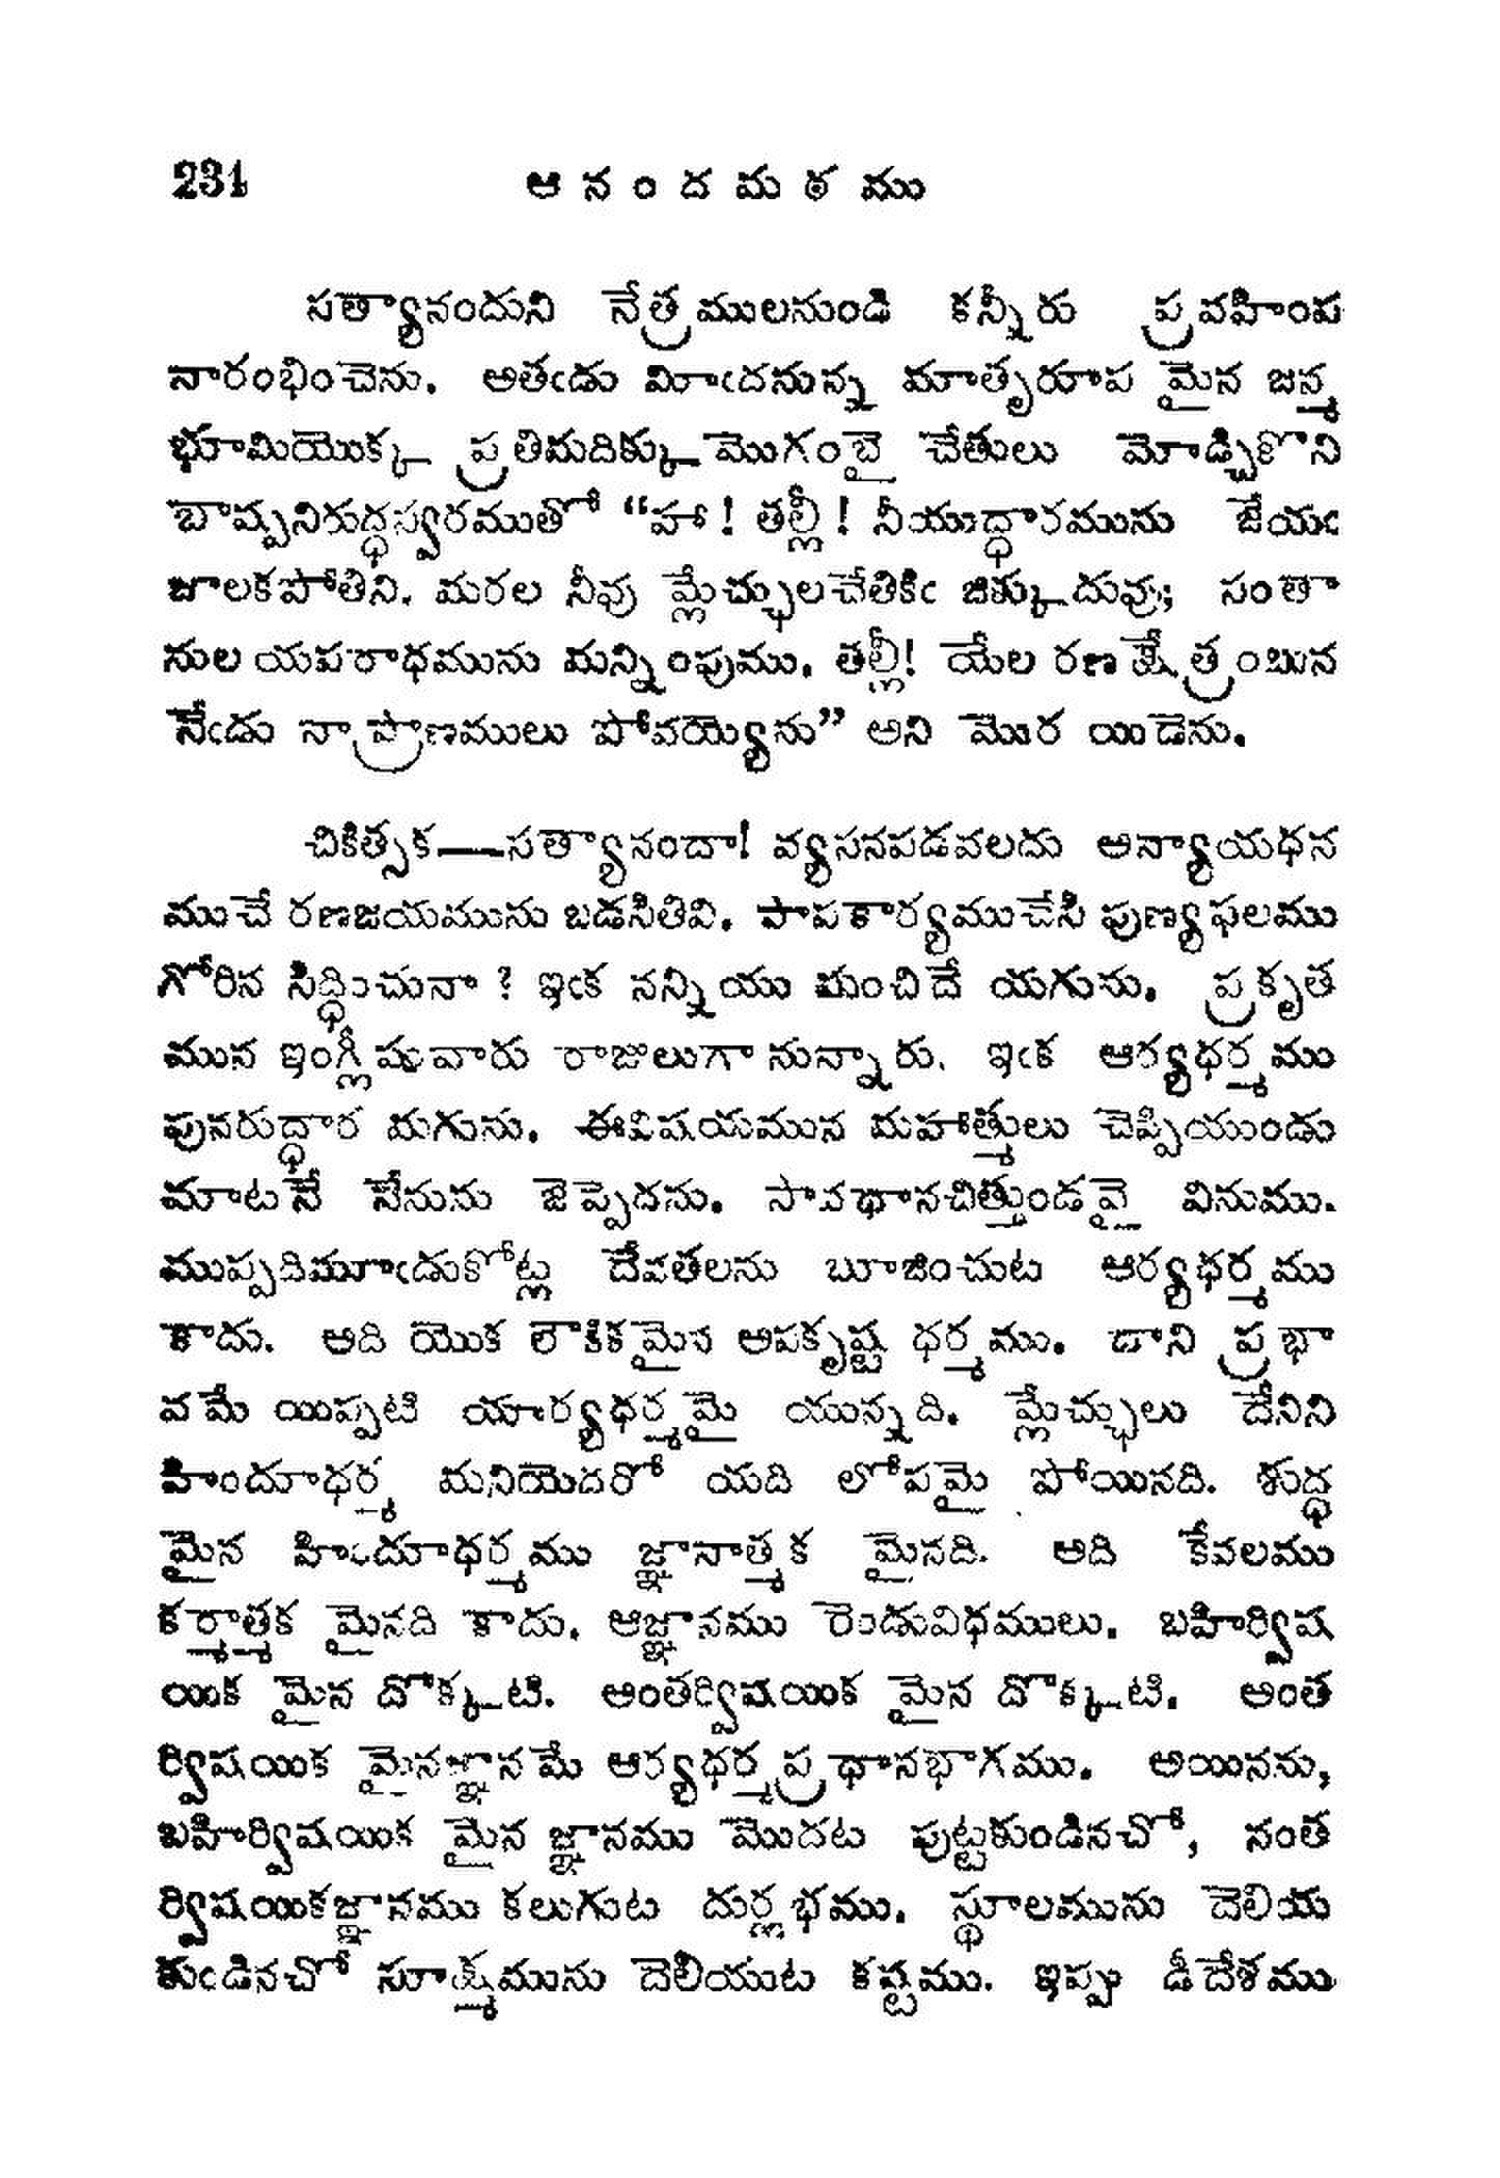సత్యానందుని నేత్రములనుండి కన్నీరు ప్రవహింప నారంభించెను. అతఁడు మీఁదనున్న మాతృరూప మైన జన్మభూమి యొక్క ప్రతిమదిక్కు మొగంబై చేతులు మోడ్చికొని బాష్పనిరుద్ధ స్వరముతో “హా ! తల్లీ ! నీ యుద్ధారమును జేయఁ
జాలకపోతిని. మరల నీవు మ్లేచ్ఛుల చేతికిఁ జిక్కుదువు, సంతానుల యపరాధమును మన్నింపుము. తల్లీ! యేల రణ క్షేత్రంబున నేఁడు నా ప్రాణములు పోవయ్యెను” అని మొర యిడెను.

చికిత్సక——సత్యానందా! వ్యసనపడవలదు అన్యాయధనముచే రణజయమును బడసితివి. పాపకార్యముచేసి పుణ్య ఫలము
గోరిన సిద్ధించునా ? ఇఁక నన్నియు మంచిదే యగును. ప్రకృతమున ఇంగ్లీషు వారు రాజులుగా నున్నారు. ఇఁక ఆర్యధర్మము పునరుద్ధార మగును. ఈ విషయమున మహాత్ములు చెప్పియుండు మాటనే 'నేనును జెప్పెదను. సావధాన చిత్తుండవై వినుము. ముప్పది మూఁడుకోట్ల దేవతలను బూజించుట ఆర్యధర్మము కాదు. అది యొక లౌకికమైన అపకృష్ణ ధర్మము. దాని ప్రభావమే యిప్పటి యార్యధర్మమై యున్నది. మ్లేచ్ఛులు దేనిని హిందూధర్మ మనియెదరో యది లోపమై పోయినది. శుద్ధమైన హిందూధర్మము జ్ఞానాత్మక మైనది. అది కేవలము కర్యాత్మక మైనది కాదు. ఆజ్ఞానము రెండువిధములు. బహిర్విష
యిక మైన దోక్కటి. అంతర్విషయిక మైన దొక్కటి. అంతర్విషయిక మైన జ్ఞానమే ఆర్యధర్మ ప్రధాన భాగము. అయినను,
బహిర్విషయిక మైన జ్ఞానము "మొదట పుట్టకుండినచో, నంతర్విషయికజ్ఞానము కలుగుట దుర్లభము. స్థూలమును దెలియ
కుండినచో సూక్ష్మమును దెలియుట కష్టము. ఇప్పు డీదేశము